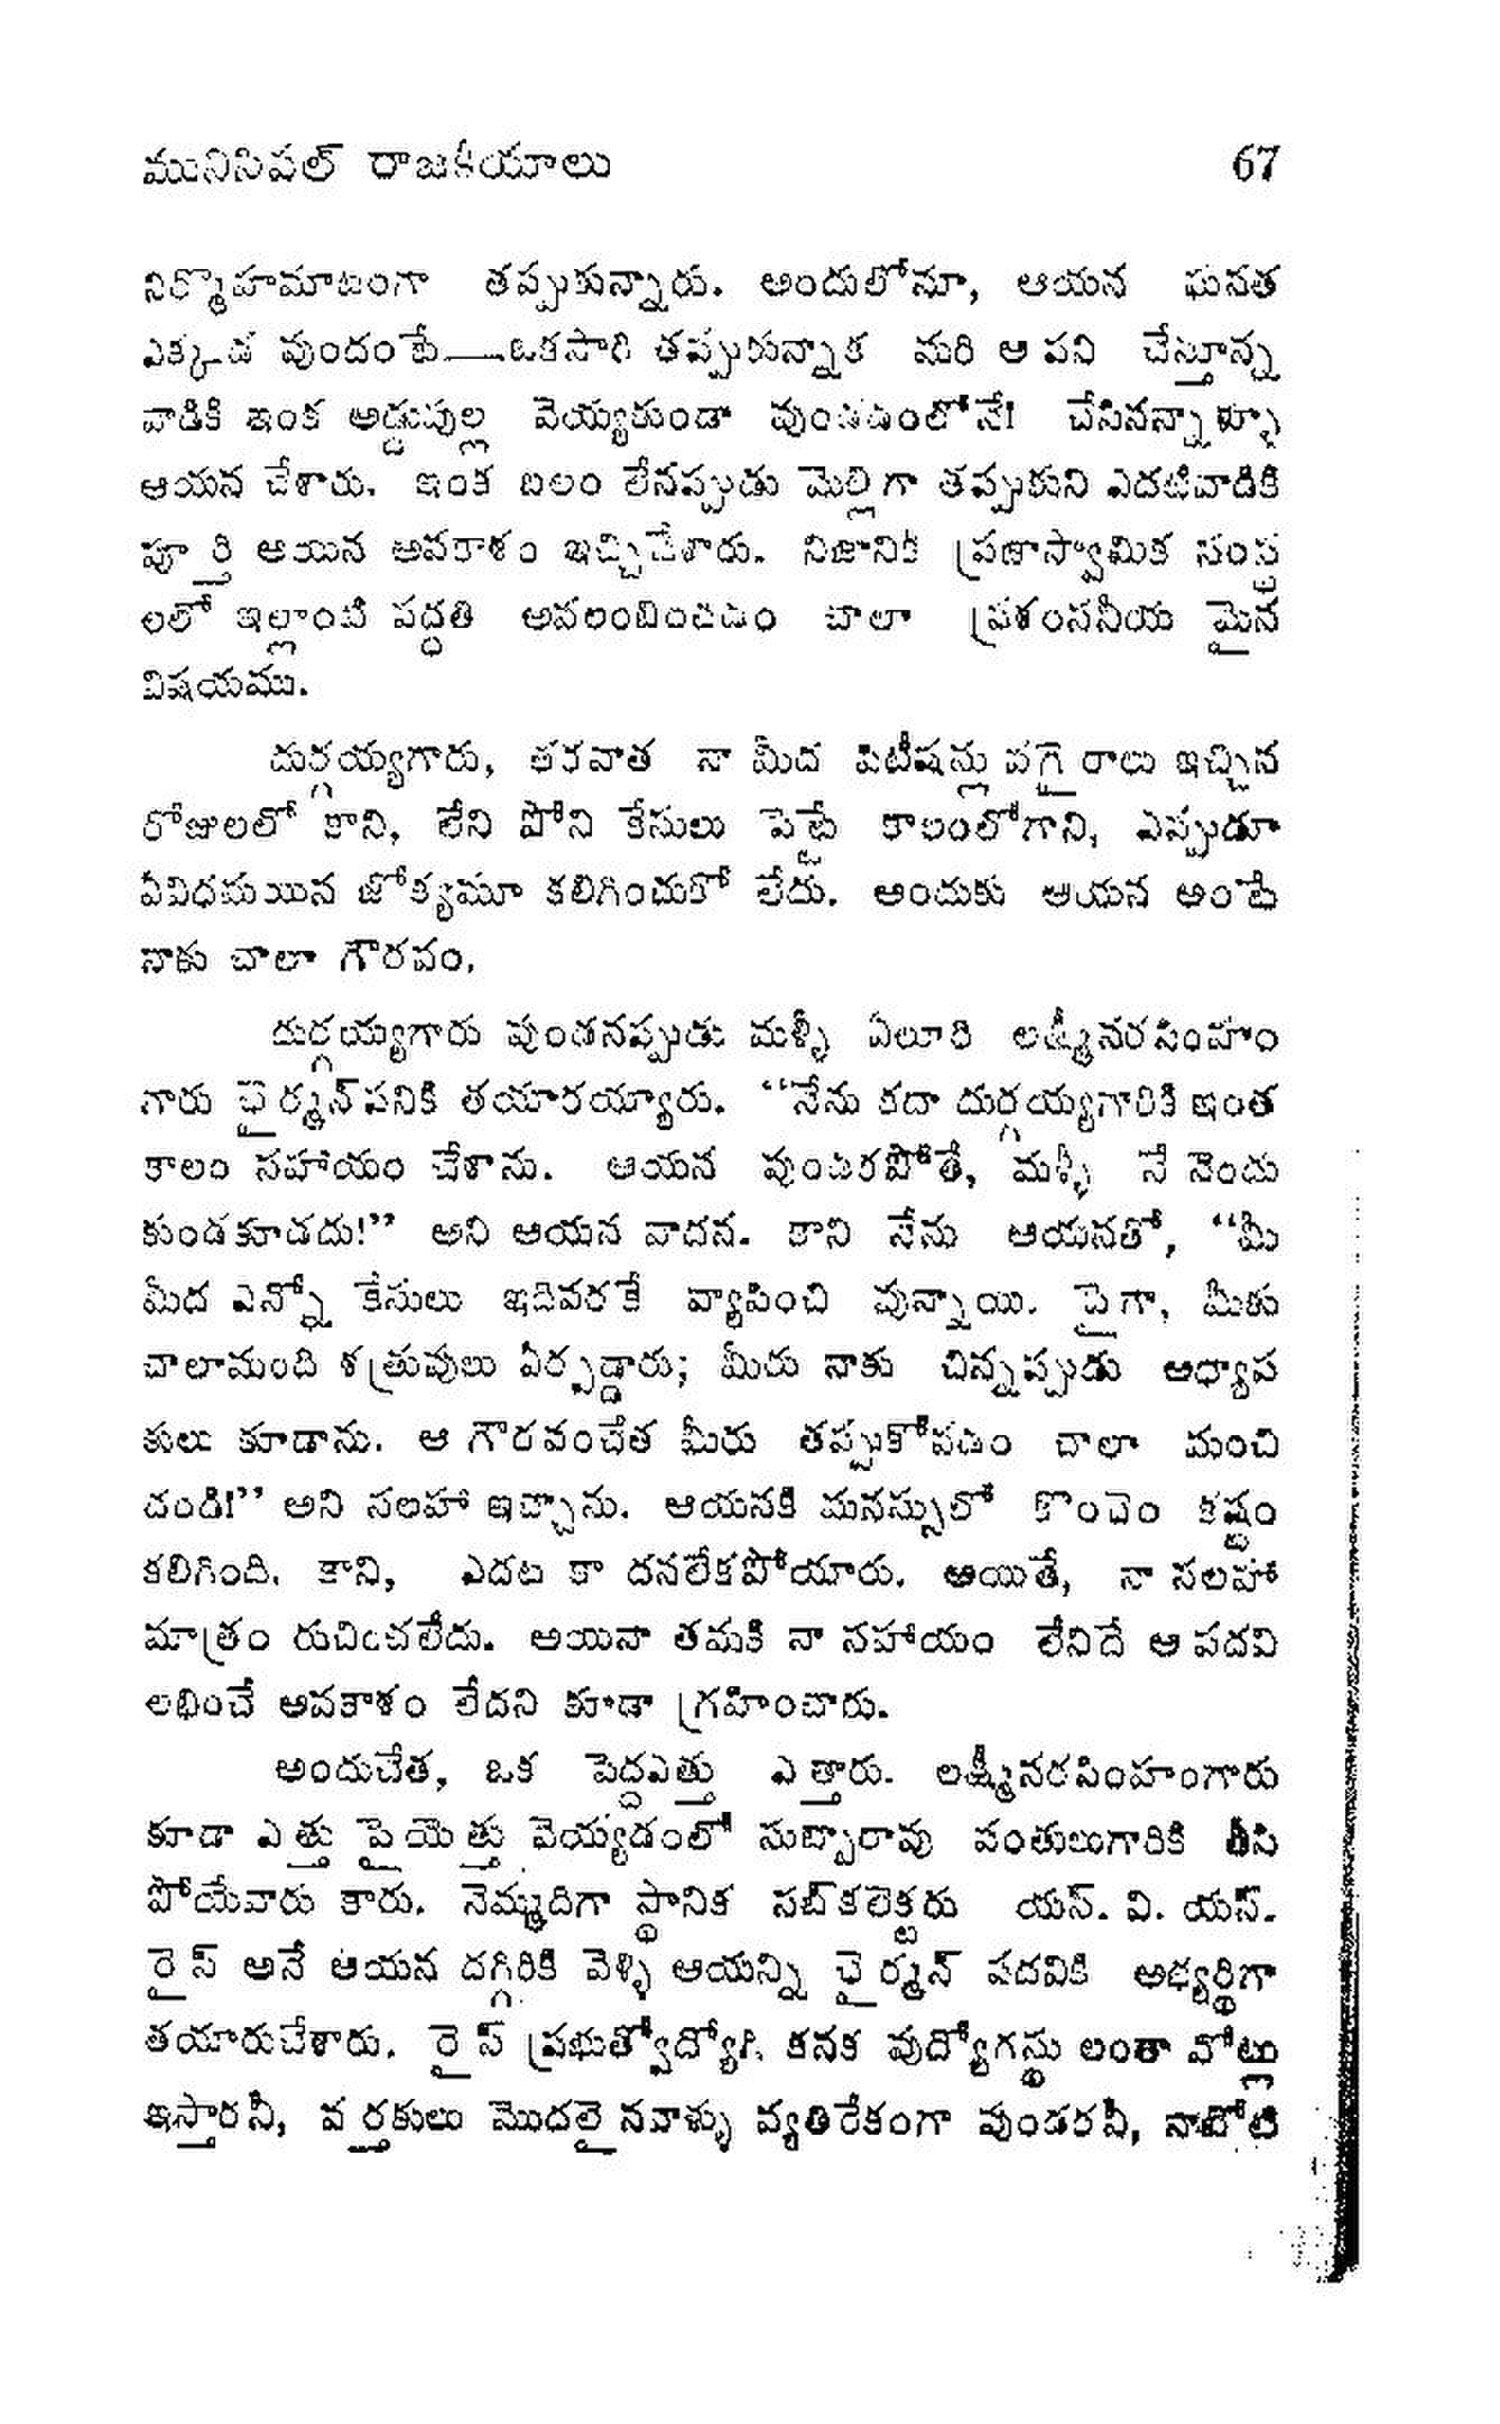నిర్మొహమాటంగా తప్పుకున్నారు. అందులోనూ, ఆయన ఘనత ఎక్కడ వుందంటే-ఒకసారి తప్పుకున్నాక మరి ఆ పని చేస్తున్నవాడికి ఇంక అడ్డుపుల్ల వెయ్యకుండా వుండడంలోనే! చేసినన్నాళ్ళూ ఆయన చేశారు. ఇంక బలం లేనప్పుడు మెల్లిగా తప్పుకుని ఎదటివాడికి పూర్తి అయిన అవకాశం ఇచ్చివేశారు. నిజానికి ప్రజాస్వామ్య సంస్థలలో ఇలాంటి పద్ధతి అవలంబించడం చాలా ప్రశంసనీయమైన విషయము.

దుర్గయ్యగారు, తరవాత నామీద పిటీషన్లు వగైరాలు ఇచ్చిన రోజులలో కాని, లేనిపోని కేసులు పెట్టే కాలంలోగానీ, ఎప్పుడూ ఏవిధమయిన జోక్యమూ కలిగించు కోలేదు. అందుకు ఆయన అంటే నాకు చాలా గౌరవం.

దుర్గయ్యగారు వుండనప్పుడు మళ్ళీ ఏలూరి లక్ష్మీనరసింహంగారు ఛైర్మన్ పనికి తయారయ్యారు. "నేను కదా దుర్గయ్యగారికి ఇంతకాలం సహాయం చేశాను ఆయన ఉండకపోతే, మళ్ళీ నేనెందుకుండకూడదు!" అని ఆయన వాదన. కాని నేను ఆయనతో, "మీ మీద ఎన్నో కేసులు ఇదివరకే వ్యాపించి వున్నాయి. పైగా, మీకు చాలామంది శత్రువులు ఏర్పడ్డారు; మీరు నాకు చిన్నప్పుడు అధ్యాపకులు కూడాను. ఆ గౌరవం చేత మీరు తప్పుకోవడం చాలామంచిందండి!" అని సలహా ఇచ్చాను. ఆయనకి మనస్సులో కొంచెం కష్టం కలిగింది. కాని, ఎదట కాదనలేకపోయారు. అయితే, నా సలహా మాత్రం రుచించలేదు. అయినా తమకి నా సహాయం లేనిదే ఆ పదవి లభించే అవకాశం లేదని కూడా గ్రహించారు.

అందుచేత, ఒక పెద్ద ఎత్తు ఎత్తారు. లక్ష్మీనరసింహంగారు కూడా ఎత్తు పైయెత్తు వెయ్యడంలో సుబ్బారావుపంతులుగారికి తీసిపోయేవారు కారు. నెమ్మదిగా స్థానిక సబ్ కలెక్టరు యల్.వి.యస్.రైస్ అనే ఆయన దగ్గరికి వెళ్ళి ఆయన్ని ఛైర్మన్ పదవికి అభ్యర్థిగా తయారుచేశారు. రైస్ ప్రభుత్వోద్యోగి కనక వుద్యోగులతా వోట్లు ఇస్తారనీ, వర్తకులు మొదలైనవాళ్ళు వ్యతిరేకంగా వుండరనీ, నాబోటి